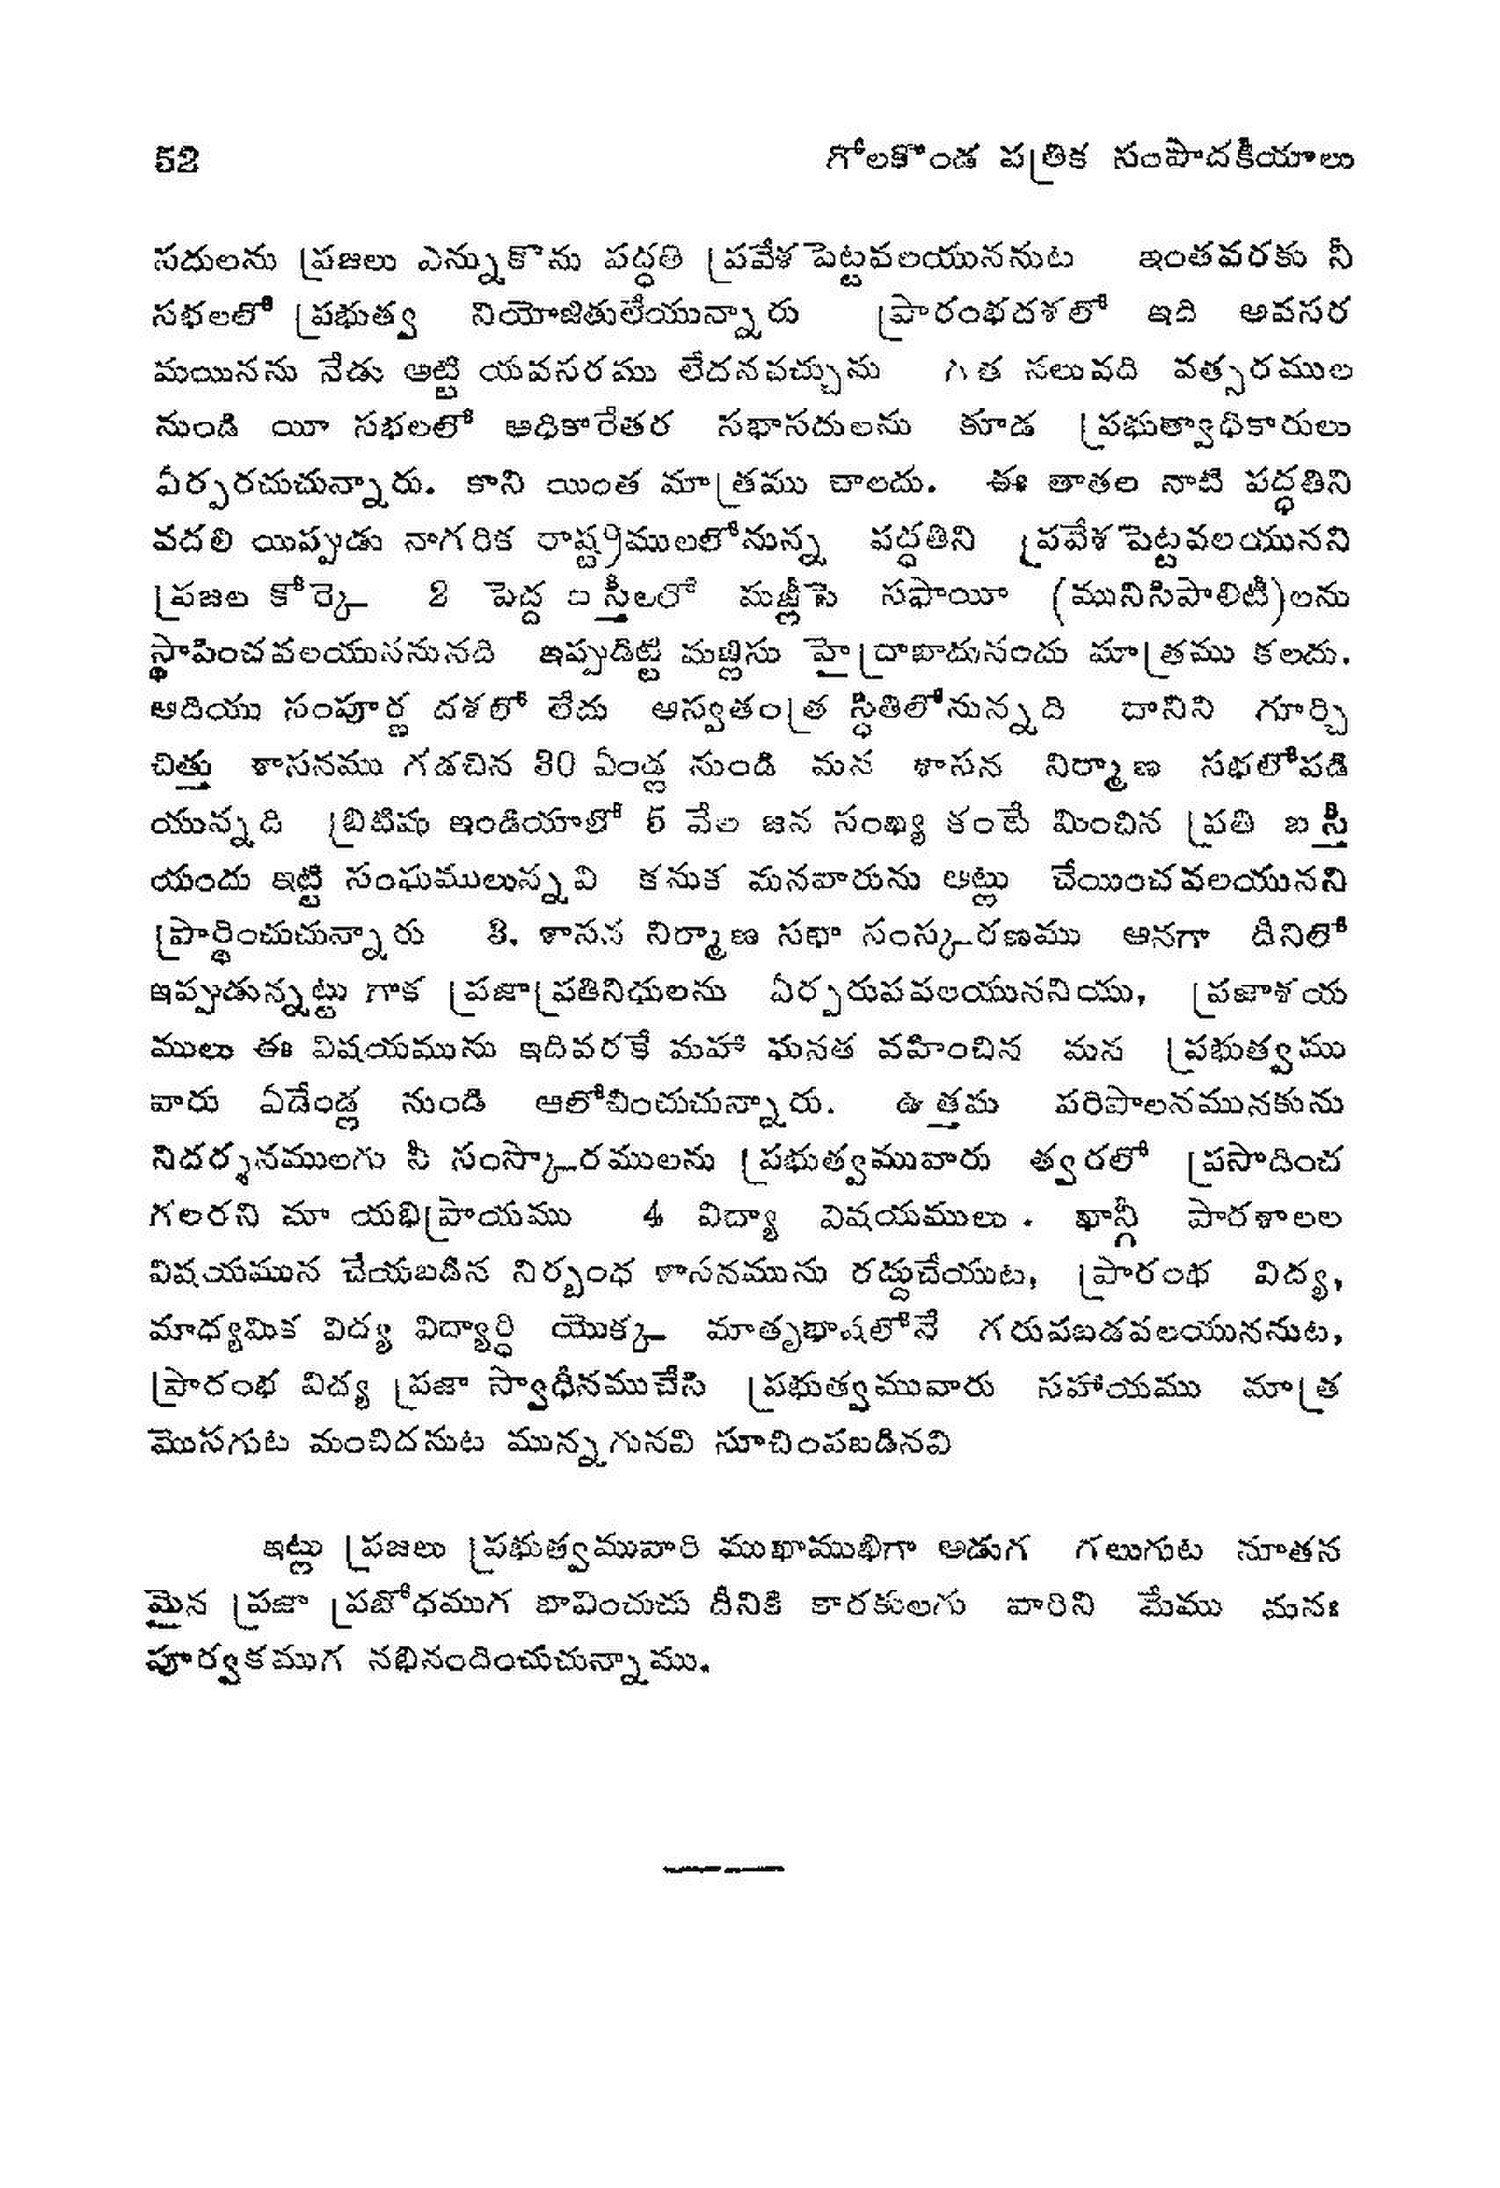సదులను ప్రజలు ఎన్నుకొను పద్ధతి ప్రవేశపెట్టవలయుననుట ఇంతవరకు నీ సభలలో ప్రభుత్వ నియోజితులేయున్నారు ప్రారంభదశలో ఇది అవసరమయినను నేడు అట్టి యవసరము లేదనవచ్చును గత నలువది వత్సరముల నుండి యీ సభలలో అధికారేతర సభాసదులను కూడ ప్రభుత్వాధికారులు ఏర్పరచుచున్నారు. కాని యింత మాత్రము చాలదు. ఈ తాతల నాటి పద్ధతిని వదలి యిప్పుడు నాగరిక రాష్ట్రములలోనున్న పద్ధతిని ప్రవేశపెట్టవలయునని ప్రజల కోర్కె 2 పెద్ద బస్తీలలో మజ్లీ సె సఫాయీ (మునిసిపాలిటీ) లను స్థాపించవలయుననునది ఇప్పుడిట్టి మజ్లిసు హైద్రాబాదునందు మాత్రము కలదు. అదియు సంపూర్ణ దశలో లేదు అస్వతంత్ర స్థితిలోనున్నది దానిని గూర్చి చిత్తు శాసనము గడచిన 30 ఏండ్ల నుండి మన శాసన నిర్మాణ సభలోపడి యున్నది బ్రిటిషు ఇండియాలో 5 వేల జన సంఖ్య కంటే మించిన ప్రతి బస్తీ యందు ఇట్టి సంఘములున్నవి కనుక మనవారును అట్లు చేయించవలయునని ప్రార్థించుచున్నారు 3. శాసన నిర్మాణ సభా సంస్కరణము అనగా దీనిలో ఇప్పుడున్నట్టు గాక ప్రజాప్రతినిధులను ఏర్పరుపవలయుననియు, ప్రజాశయములు ఈ విషయమును ఇదివరకే మహా ఘనత వహించిన మన ప్రభుత్వము వారు ఏడేండ్ల నుండి ఆలోచించుచున్నారు. ఉత్తమ పరిపాలనమునకును నిదర్శనములగు నీ సంస్కారములను ప్రభుత్వమువారు త్వరలో ప్రసాదించగలరని మా యభిప్రాయము 4 విద్యా విషయములు ఖాన్గీ పాఠశాలల విషయమున చేయబడిన నిర్బంధ శాసనమును రద్దుచేయుట, ప్రారంభ విద్య, మాధ్యమిక విద్య విద్యార్ధి యొక్క మాతృభాషలోనే గరుపబడవలయుననుట, ప్రారంభ విద్య ప్రజా స్వాధీనముచేసి ప్రభుత్వమువారు సహాయము మాత్ర మొసగుట మంచిదనుట మున్నగునవి సూచింపబడినవి

ఇట్లు ప్రజలు ప్రభుత్వమువారి ముఖాముఖిగా అడుగ గలుగుట నూతనమైన ప్రజా ప్రబోధముగ భావించుచు దీనికి కారకులగు వారిని మేము మనఃపూర్వకముగ నభినందించుచున్నాము.